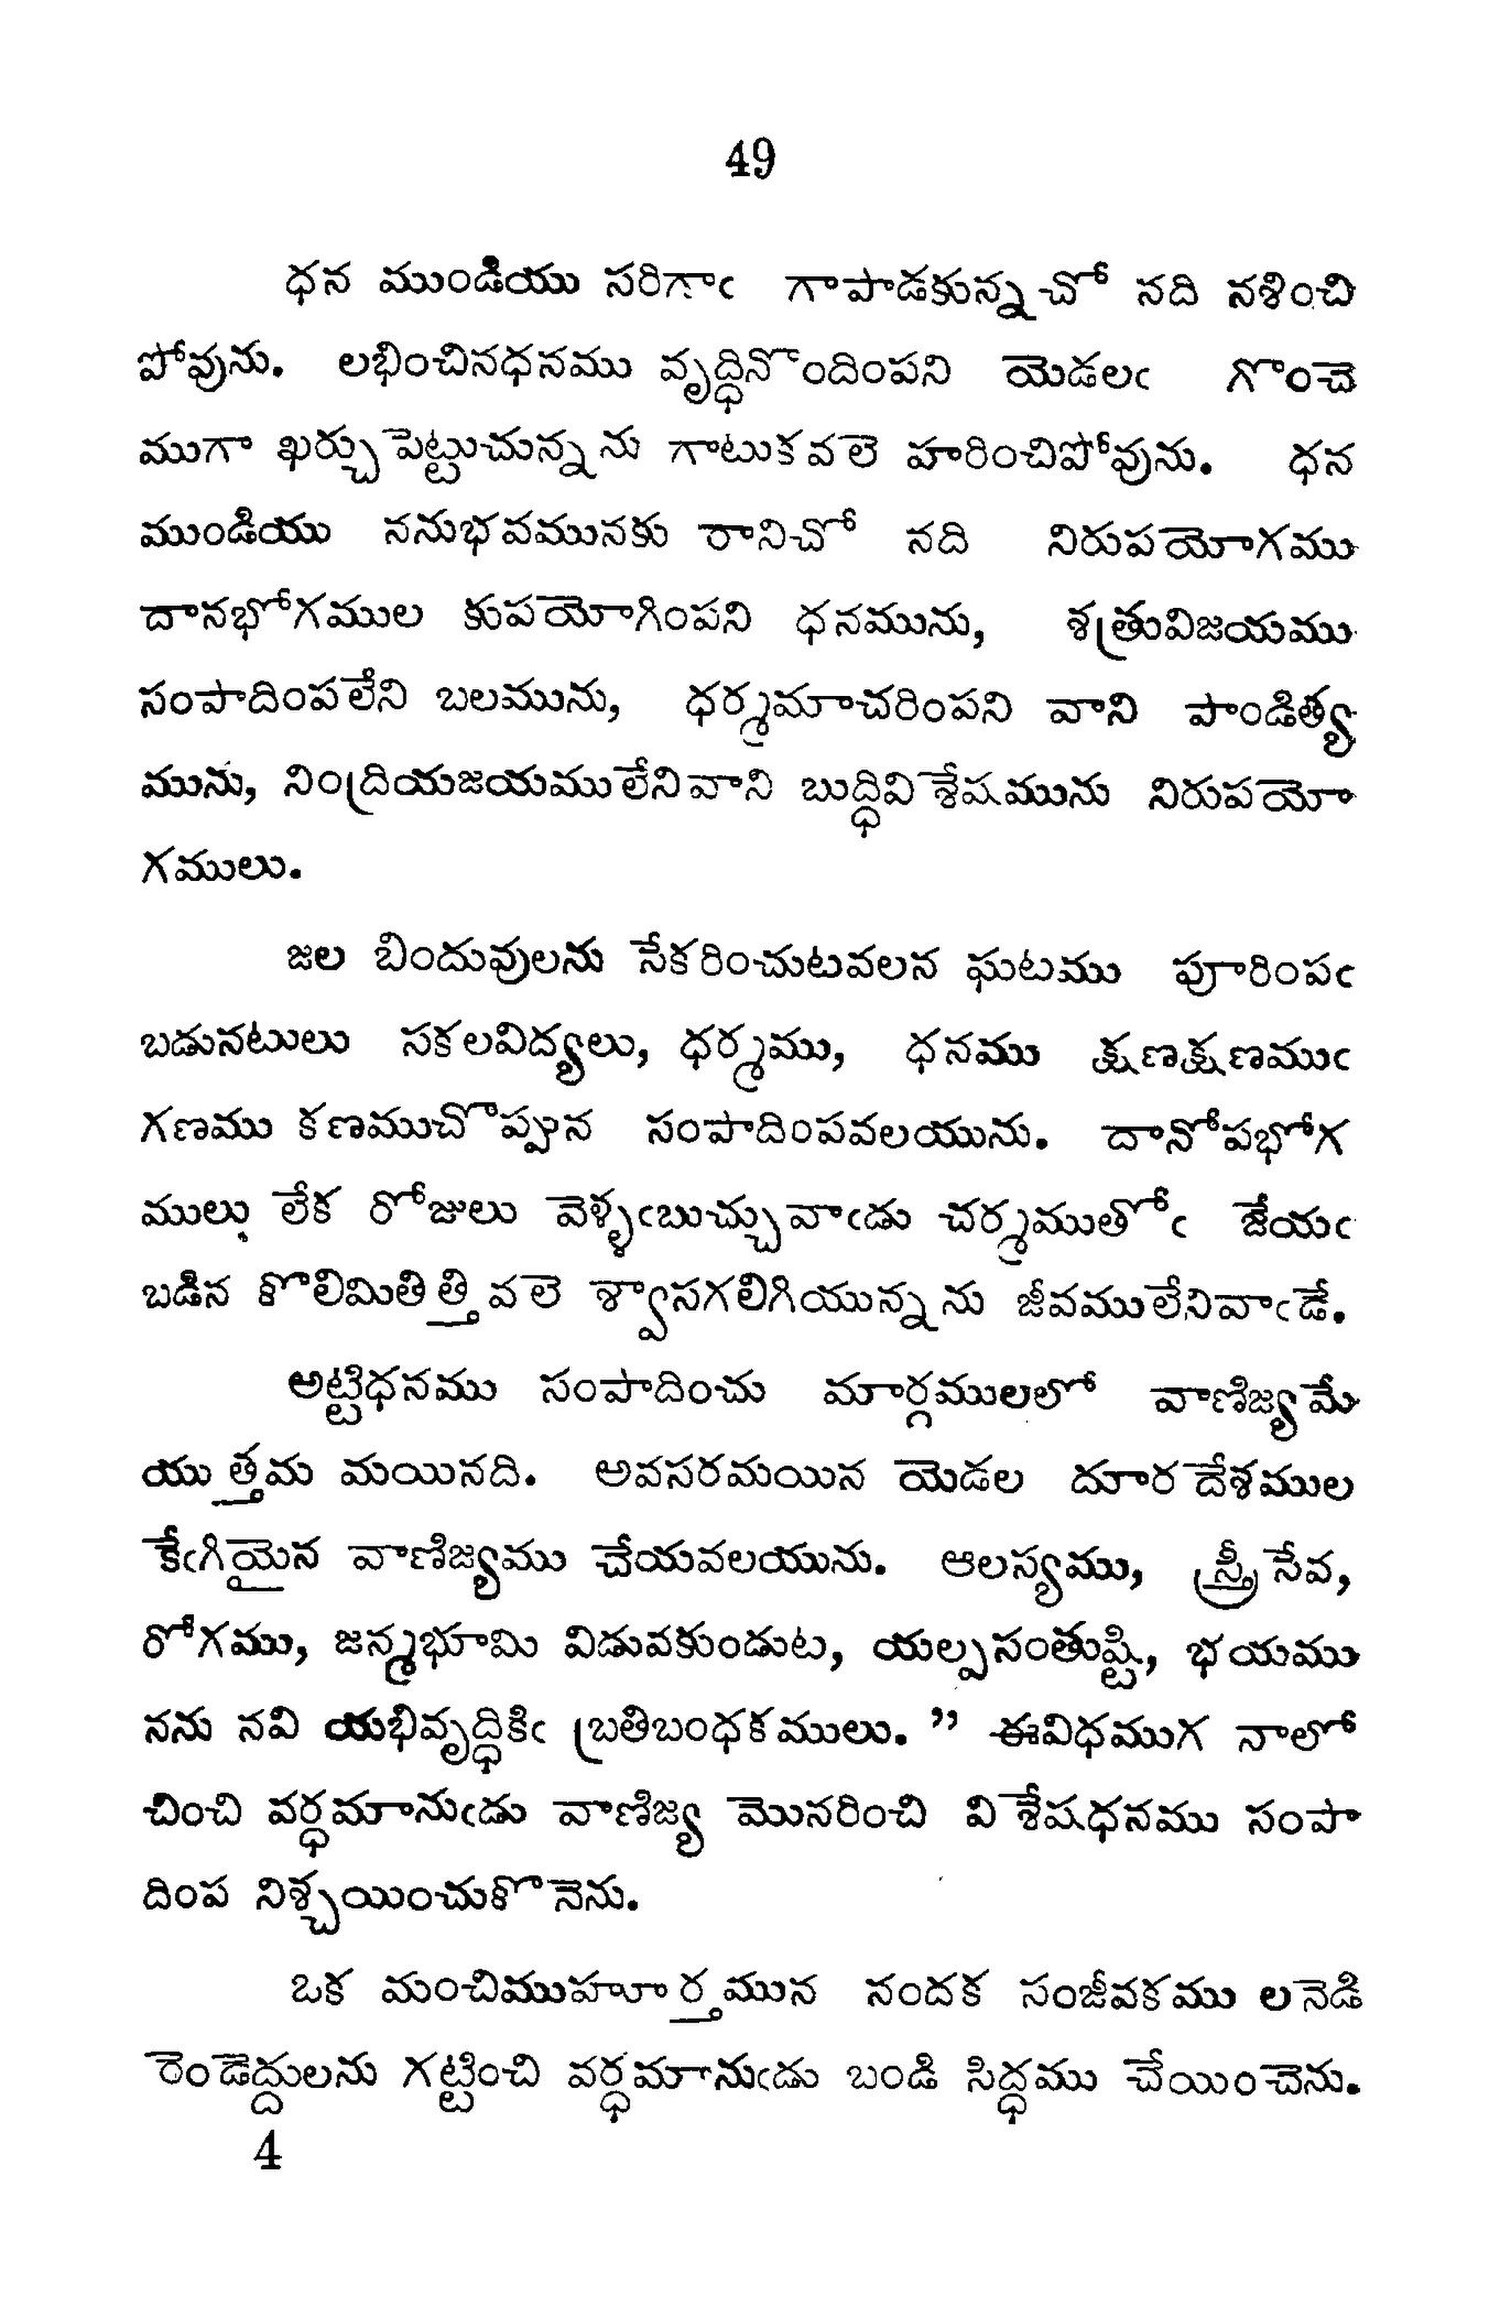ధన ముండియు సరిగా గాపాడకున్నచో నది నశించి పోవును. లభించినధనము వృద్ధినొందింపని యెడల గొంచెముగా ఖర్చుపెట్టుచున్నను గాటుకవలె హరించిపోవును. ధనముండియు ననుభవమునకు రానిచో నది నిరుపయోగము దానభోగముల కుపయోగింపని ధనమును, శత్రువిజయము సంపాదింపలేని బలమును, ధర్మమాచరింపని వాని పాండిత్యమును, నింద్రియజయములేనివాని బుద్ధివిశేషమును నిరుపయోగములు.

జల బిందువులను సేకరించుటవలన ఘటము పూరింపబడునటులు సకలవిద్యలు, ధర్మము, ధనము క్షణక్షణము గణము కణముచొప్పున సంపాదింపవలయును. దానోపభోగములు లేక రోజులు వెళ్ళబుచ్చువాడు చర్మముతో జేయబడిన కొలిమితిత్తివలె శ్వాసగలిగియున్నను జీవములేనివాడే.

అట్టిధనము సంపాదించు మార్గములలో వాణిజ్యమే యుత్తమ మయినది. అవసరమయిన యెడల దూరదేశముల కేగియైన వాణిజ్యము చేయవలయును. ఆలస్యము, స్త్రీసేవ, రోగము, జన్మభూమి విడువకుండుట, యల్పసంతుష్టి, భయము నను నవి యభివృద్ధికి బ్రతిబంధకములు." ఈవిధముగ నాలోచించి వర్ధమానుడు వాణిజ్య మొనరించి విశేషధనము సంపాదింప నిశ్చయించుకొనెను.

ఒక మంచిముహూర్తమున నందక సంజీవకము లనెడి రెండెద్దులను గట్టించి వర్ధమానుడు బండి సిద్ధము చేయించెను.